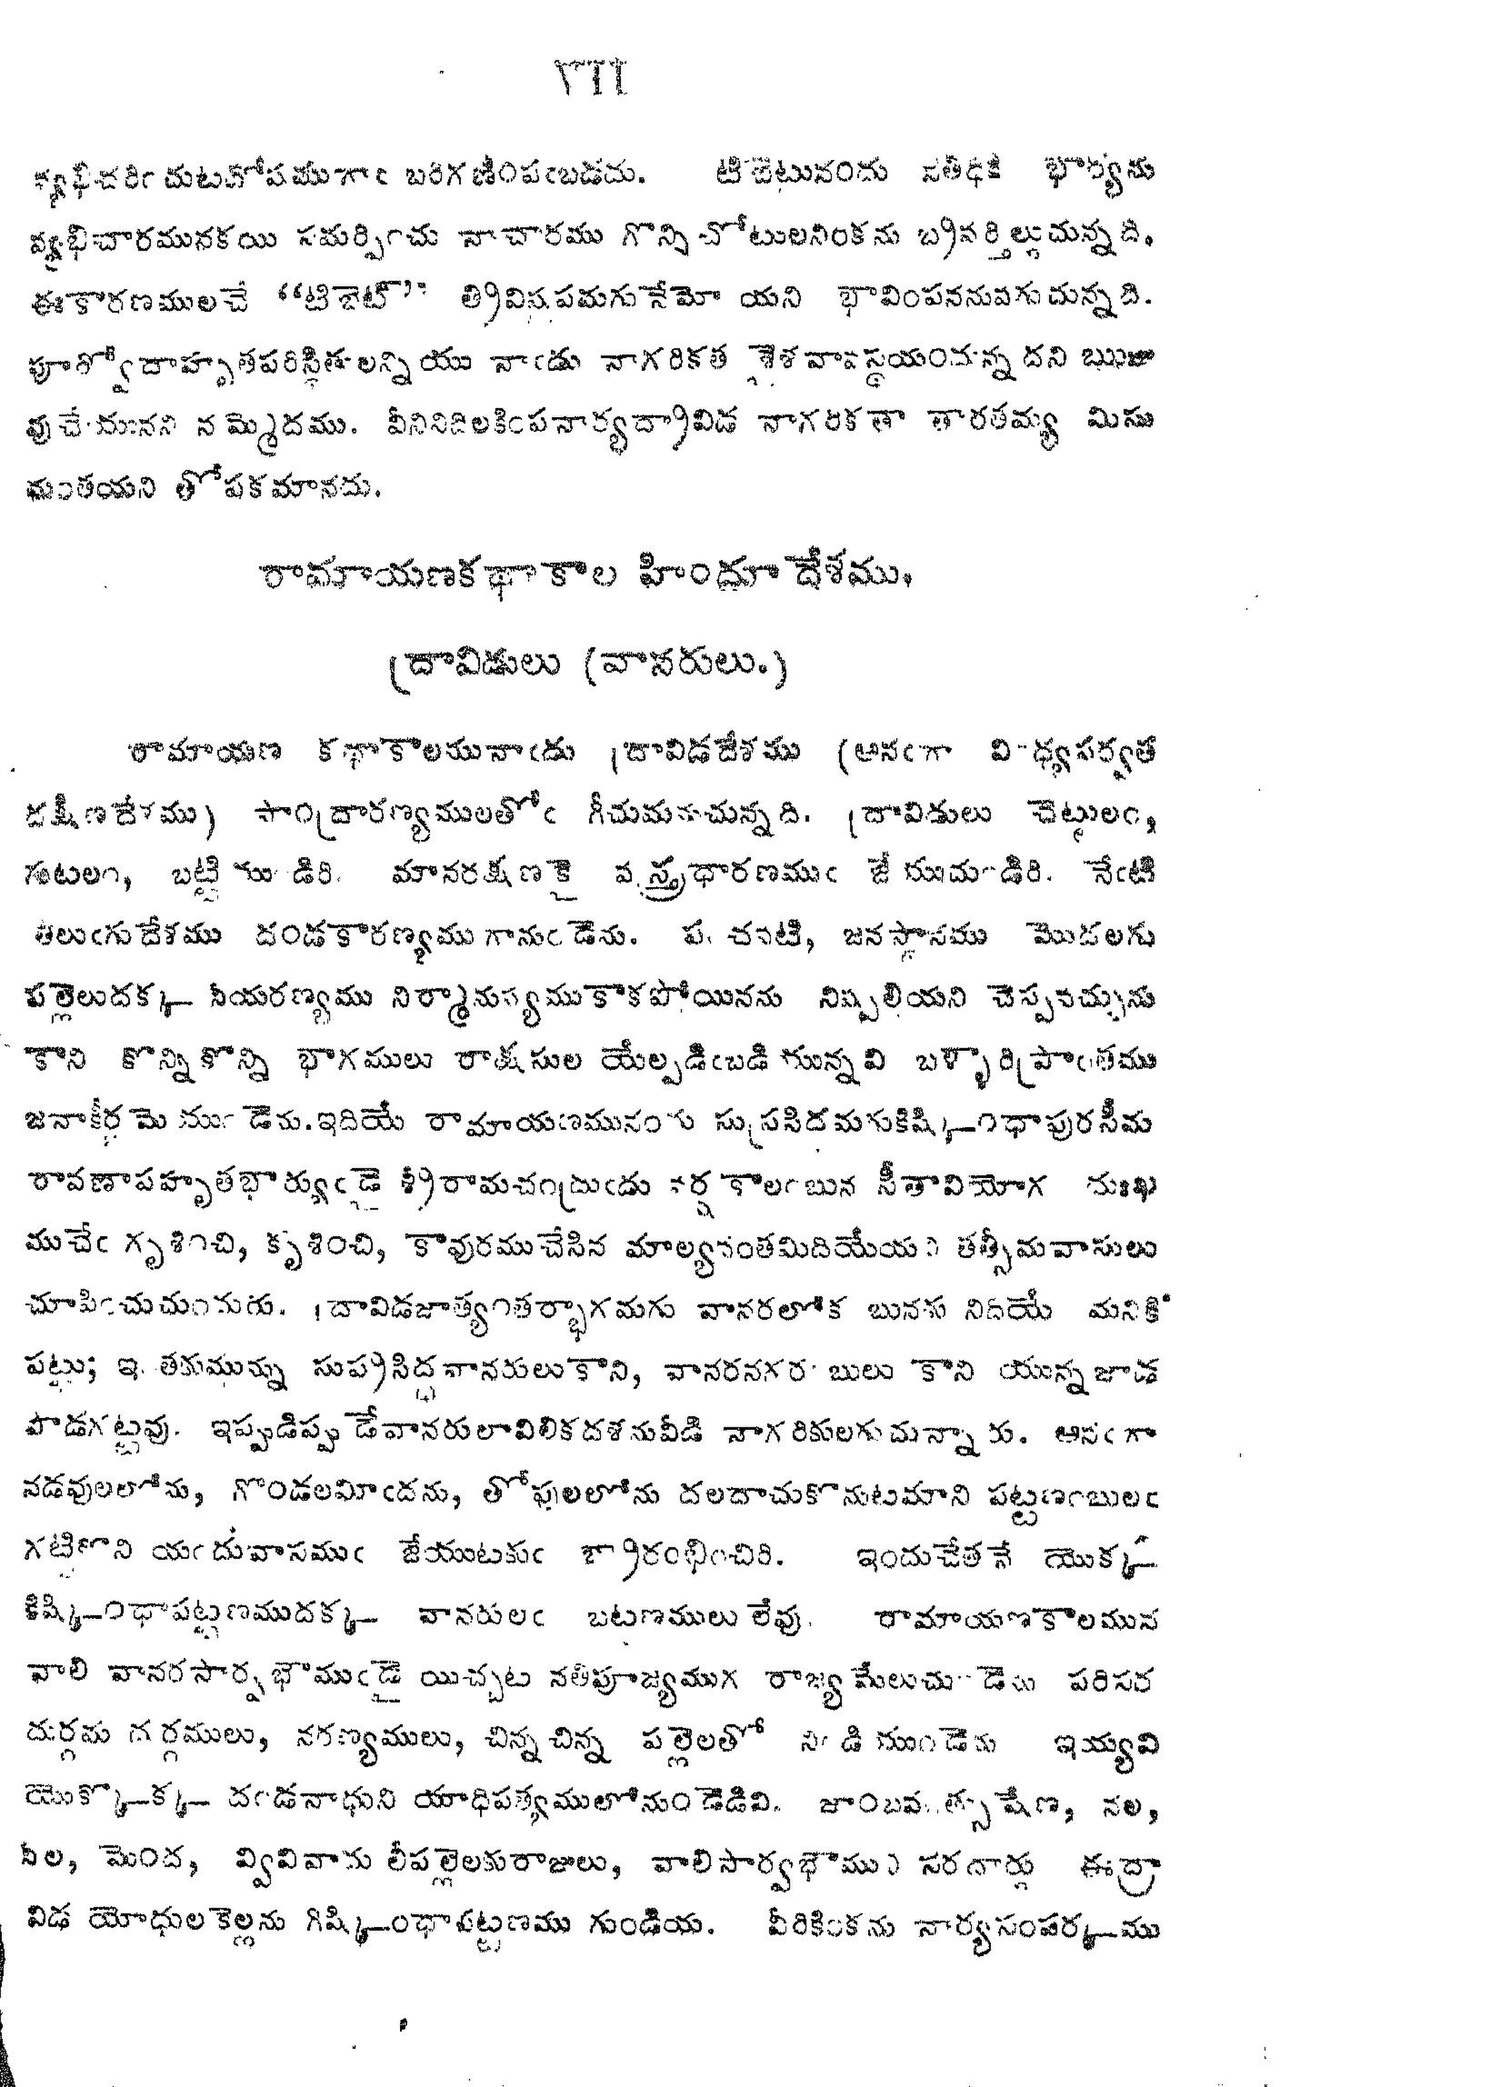వ్యభీచరించుట దోషముగా బరిగణింపఁ బడదు. టిబెటు నందు నతిధికి భార్యను
వ్యభిచారమున కయి సమర్పించు నాచారము గొన్ని చోటుల నింకను బవర్తిల్లు చున్నది.
ఈ కారణములచే టిబెట్ త్రివిష్టపమగు నేమో' యని భావింప ననుపగుచున్నది.
పూర్వోదాహృత పరిస్థితు లన్నియు నాఁడు నాగరికత శైసవాయస్థ యందున్న దని ఋజు
వు చేయునని నమ్మెదము. దీనిని దిలకింప నార్యద్రావిడ నాగరికతారత్రమ్య మిసు -
మంతయని తోపక మానదు.

'రామాయణ కథాకాలము నాఁడు.ద్రావిడ దేశము (ఆనఁగా విధ్య పర్వత
దక్షిణ దేశము) సాంద్రారణ్యములతోఁ గీచుమగు చున్నది. దావిడులు చెట్టులం,
గుట్టలు, బట్టి యుండిరి. మానరక్షణకై వస్త్రధారణముఁ జేయుచుండిరి. నేటి
తెలుఁగు దేశము దండ కారణ్యము గానుండెను.. పంచవటి, జన్మస్థానము మొదలగు
పల్లెలు దక్క నీయరణ్యము నిర్మానుష్యము కాకపోయినను నిష్పలియని చెప్పవచ్చును
కాని కొన్ని కొన్ని భాగములు రాక్షసుల యేల్పడి బడియు చున్నవి. బళ్ళారి ప్రాంతము
జనాకీర్ణమై యుండెను. ఇదియే రామాయణము నందు సుప్రసిద్దమగు కిష్కిందాపుర సీమ.
రావణాపహృతభార్యుడై శ్రీ రామచంద్రుఁడు వర్ష కాలంబున సీతా వియోగ దుఃఖ
ముచేఁగృశించి, కృశించి, కావురము చేసిన మాల్యవంతమిది యేయని తత్సీమ వాసులు
చూపించు చుందురు! ద్రావిడ జాత్యంతర్భాగమగు వానర లోకంబునకు నిదియే యునికి 
పట్టు; ఇంతకు మున్ను సుప్రసిద్ధ వానరులు కాని, వానరనగరంబులు కాని యున్న జాడ
పొడగట్టవు. ఇప్పుడిప్పుడే వానరులావిలిక దిశను వీడి నాగరికులగు చున్నారు. ఆనగా
నడవులలోను, గొండలమీఁదను, తోపులలోను దలదాచు కొనుట మాని పట్టణంబులు
గట్టుకొని యందు వాసముఁ జేయుటకుఁ నారంబించిరి. ఇందుచేతనే యొక్క
కిష్కింధా పట్టణము దక్క- వానరులఁ బట్టణములు లేవు. రామాయణ కాలమున
వాలి వానర సార్వభౌముఁడై యిచ్చట నతి పూజ్యముగా రాజ్య మేలుచుండెను. పరిసర
దుర్గపు దర్గములు, నరణ్యములు, చిన్న చిన్న పల్లెలతో నిండి యుండెను ఇయ్యవి
యొక్కొక్క- దండనాధుని యాధిపత్యములో నుండెడివి. జాంబవంత్సుషేణ, నల,
నీల, మెంద, వ్వివివాదు లీపల్లెలకు రాజులు, వాలి సార్వభౌముని సరదార్లు ఈ ద్రా
విడ యోధుల కెల్లను గిష్కింధా పట్టణము గుండియ. వీరింకను నార్య సంపర్కము